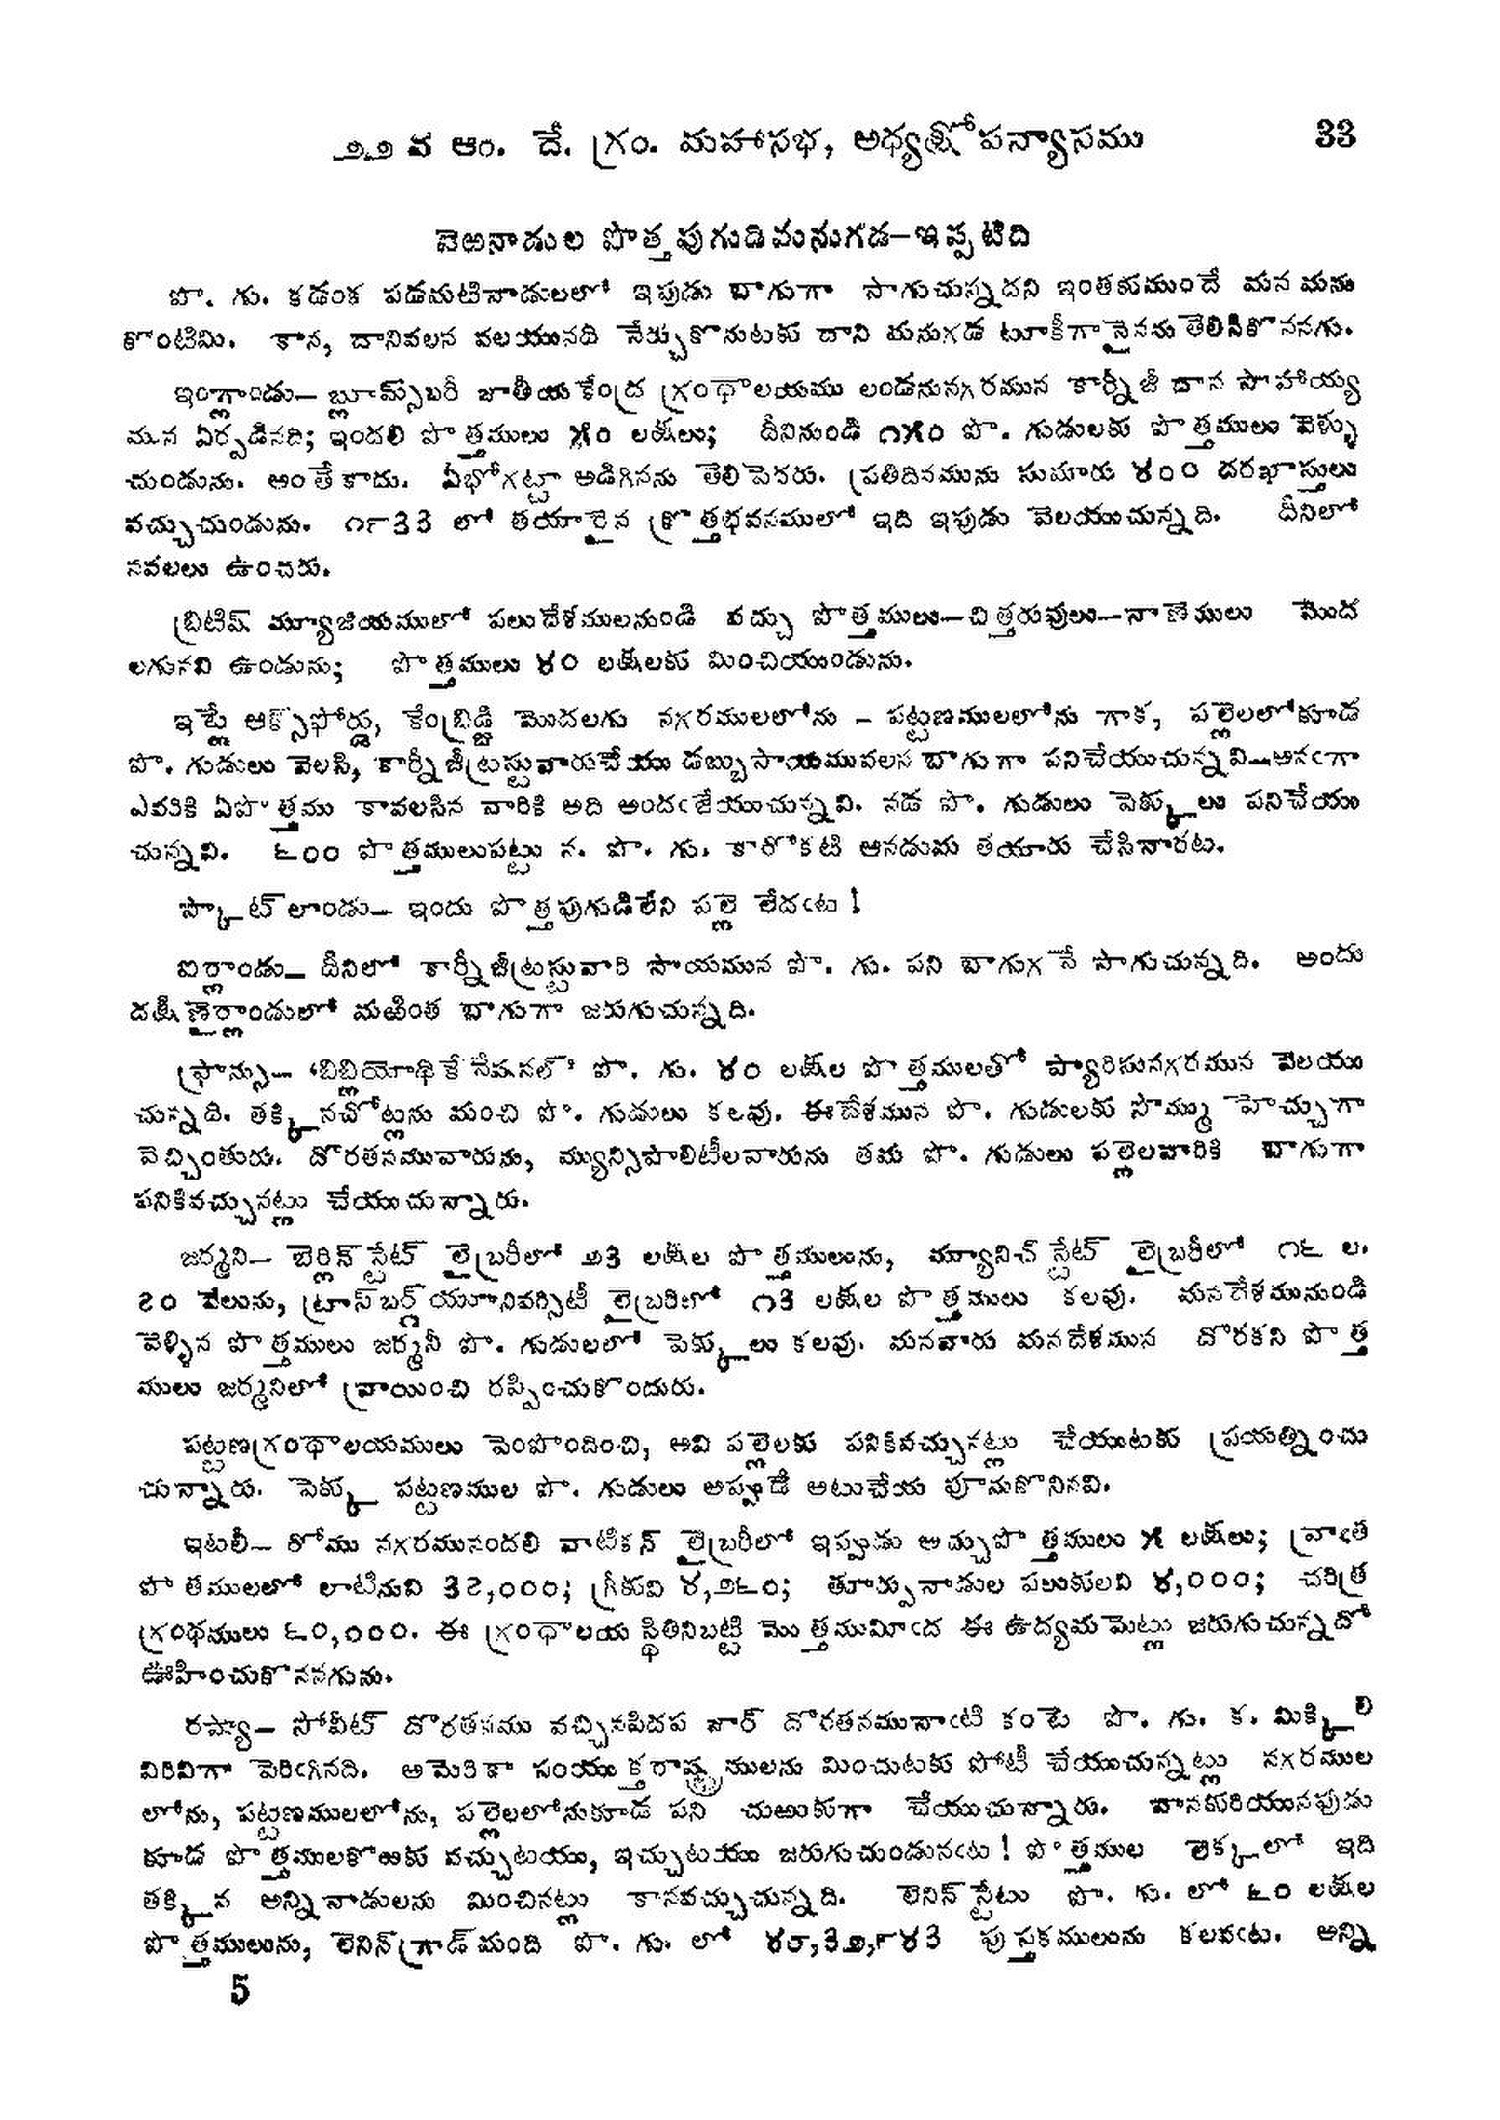పొ.గు. కడంక పడమటినాడులలో ఇప్పుడు బాగుగా సాగుచున్నదని ఇంతకుముందే మన మనుకొంటిమి. కాన, దానివలన 
వలయునది నేర్చుకొనుటకు దాని మనుగడ టూకీగానైనను తెలిసికొననగు. 

ఇంగ్లాండు— బ్లూమ్స్ బరీ జాతీయ కేంద్ర గ్రంధాలయము లండనునగరమున కార్నీజీ దాన సాహాయ్యమున ఏర్పడినది; 
ఇందలి పొత్తములు ౫౦ లక్షలు; దీని నుండి ౧౫౦ పొ.గుడులకు పొత్తములు వెళ్ళు చుండును. అంతే కాదు. ఏభోగట్టా 
అడిగినను తెలిపెదరు. ప్రతిదినమును సుమారు ౪౦౦ దరఖాస్తులు వచ్చుచుండును. ౧౯౩౩ లో తయారైన క్రొత్తభవనములో 
ఇది ఇప్పుడు వెలయుచున్నది. దీనిలో నవలలు ఉంచరు. 

బ్రిటిష్ మ్యూజియములో పలుదేశములనుండి వచ్చు పొత్తములు - చిత్తరువులు - నాణెములు మొదలగునవి ఉండును;
పొత్తములు ౪౦ లక్షులకు మించియుండును.

ఇట్టే ఆక్స్ఫర్డ్, కేంబ్రిడ్జి మొదలగు నగరములలోను - పట్టణములలోను గాక, పల్లెలలో కూడ పొ. గుడులు వెలసి, కార్నిజీట్రస్టు 
వారుచేయు డబ్బు సాయమువలస బాగుగా పనిచేయుచున్నవి - అనఁగా ఎవరికి ఏపొత్తము కావలసిన వారికి అది 
అందఁజేయుచున్నవి. నడ పొ.గుడులు పెక్కులు పనిచేయుచున్నవి. ౬౦౦ పొత్తములుపట్టు న.పొ.గు. కారొకటి అనడుమ 
తయారు చేసినారట.

స్కాట్ లాండు— ఇందు పొత్తపుగుడిలేని పల్లె లేదఁట!

ఐర్లాండు - దీనిలో కార్నిజీట్రస్టువారి సాయమున పొ.గు. పని బాగుగనే సాగుచున్నది. అందు దక్షణ ఐర్లాండ్దలో మఱింత 
బాగుగా జరుగుచున్నది.

ఫ్రాన్సు-- 'బిబ్లియోథికే నేషనల్ పొ.గు. ౪౦ లక్షల పొత్తములతో పార్రిస్ పర్రీస్ నగరమున వెలయు చున్నది. తక్కినచోట్లను
మంచి పొ.గుడులు కలవు. ఈ దేశమున పొ.గుడులకు సొమ్ము హెచ్చుగా వెచ్చింతురు. దొరతనమువారును, 
మ్యున్సిపాలిటీలవారును తమ పొ.గుడులు పల్లెలవారికి బాగుగా పనికివచ్చునట్లు చేయుచున్నారు.

జర్మని- బెర్లిన్ స్టేట్ లైబ్రరీలో ౨౩ లక్షల పొత్తములును, మ్యూనిచ్ స్టేట్ లైబ్రరీ లో ౧౬ లక్షల ౭౦ వేలును, ట్రాస్ బర్గ్ 
యూనివర్సిటీ లైబ్రరీలో ౧౩ లక్షల పొత్తములు కలవు. మనదేశమునుండి వెళ్ళిన పొత్తములు జర్మనీ పొ.గుడులలో 
పెక్కులు కలవు. మనవారు మన దేశమున దొరకని పొత్తములు జర్మనీలో వ్రాయించి రప్పించుకొందురు.

పట్టణగ్రంథాలయములు పెంపొందించి, అవి పల్లెలకు పనికివచ్చునట్లు చేయుటకు ప్రయత్నించు చున్నారు. పెక్కు 
ట్టణముల పొ. గుడులు అప్పుడే ఆటుచేయ పూనుకొనినవి.

ఇటలీ - రోము నగరమునందలి వాటికన్ లైబ్రరీలో ఇప్పుడు అచ్చుపొత్తములు ౫ లక్షలు; వ్రాఁత పోతములలో 
లాటినుని ౩౭,౦౦౦; గ్రీకువి ౪,౨౬౦; తూర్పునాడుల పలుకులవి ౪,౦౦౦; చరిత్ర గ్రంథములు ౬౦,౦౦౦. 
ఈ గ్రంథాలయ స్థితినిబట్టి మొత్తముమీఁద ఈ ఉద్యమ మెట్లు జరుగుచున్నదో ఊహించుకోననగును.

రష్యా - సోవీట్ దొరతనము వచ్చిన పిదప జార్ దొరతనమునాఁటి కంటే పొ.గు.క. మిక్కిలివిరివిగా పెరిఁగినది. 
అమెరికా సంయుక్త రాష్ట్రములను మించుటకు పోటీ చేయుచున్నట్లు నగరములలోను, పట్టణములలోను, 
పల్లెలలోను కూడ పని చుఱుకుగా చేయుచున్నారు. వాన కురియునపుడు కూడ పొత్తముల కొఱకు వచ్చుటయు, 
ఇచ్చుటయు జరుగుచుండునఁట! పొత్తముల లెక్కలో ఇది తక్కిన అన్నినాడులను మించినట్లు కానవచ్చుచున్నది. 
లెనిన్ స్టేట్ పొ.గు లో ౬౦ లక్షల పొత్తములును, లెనిన్ గ్రాడ్ మంది పొ.గు లో ౪౮,౩౨,౯౪౩ పుస్తకములును 
కలవఁట. అన్ని